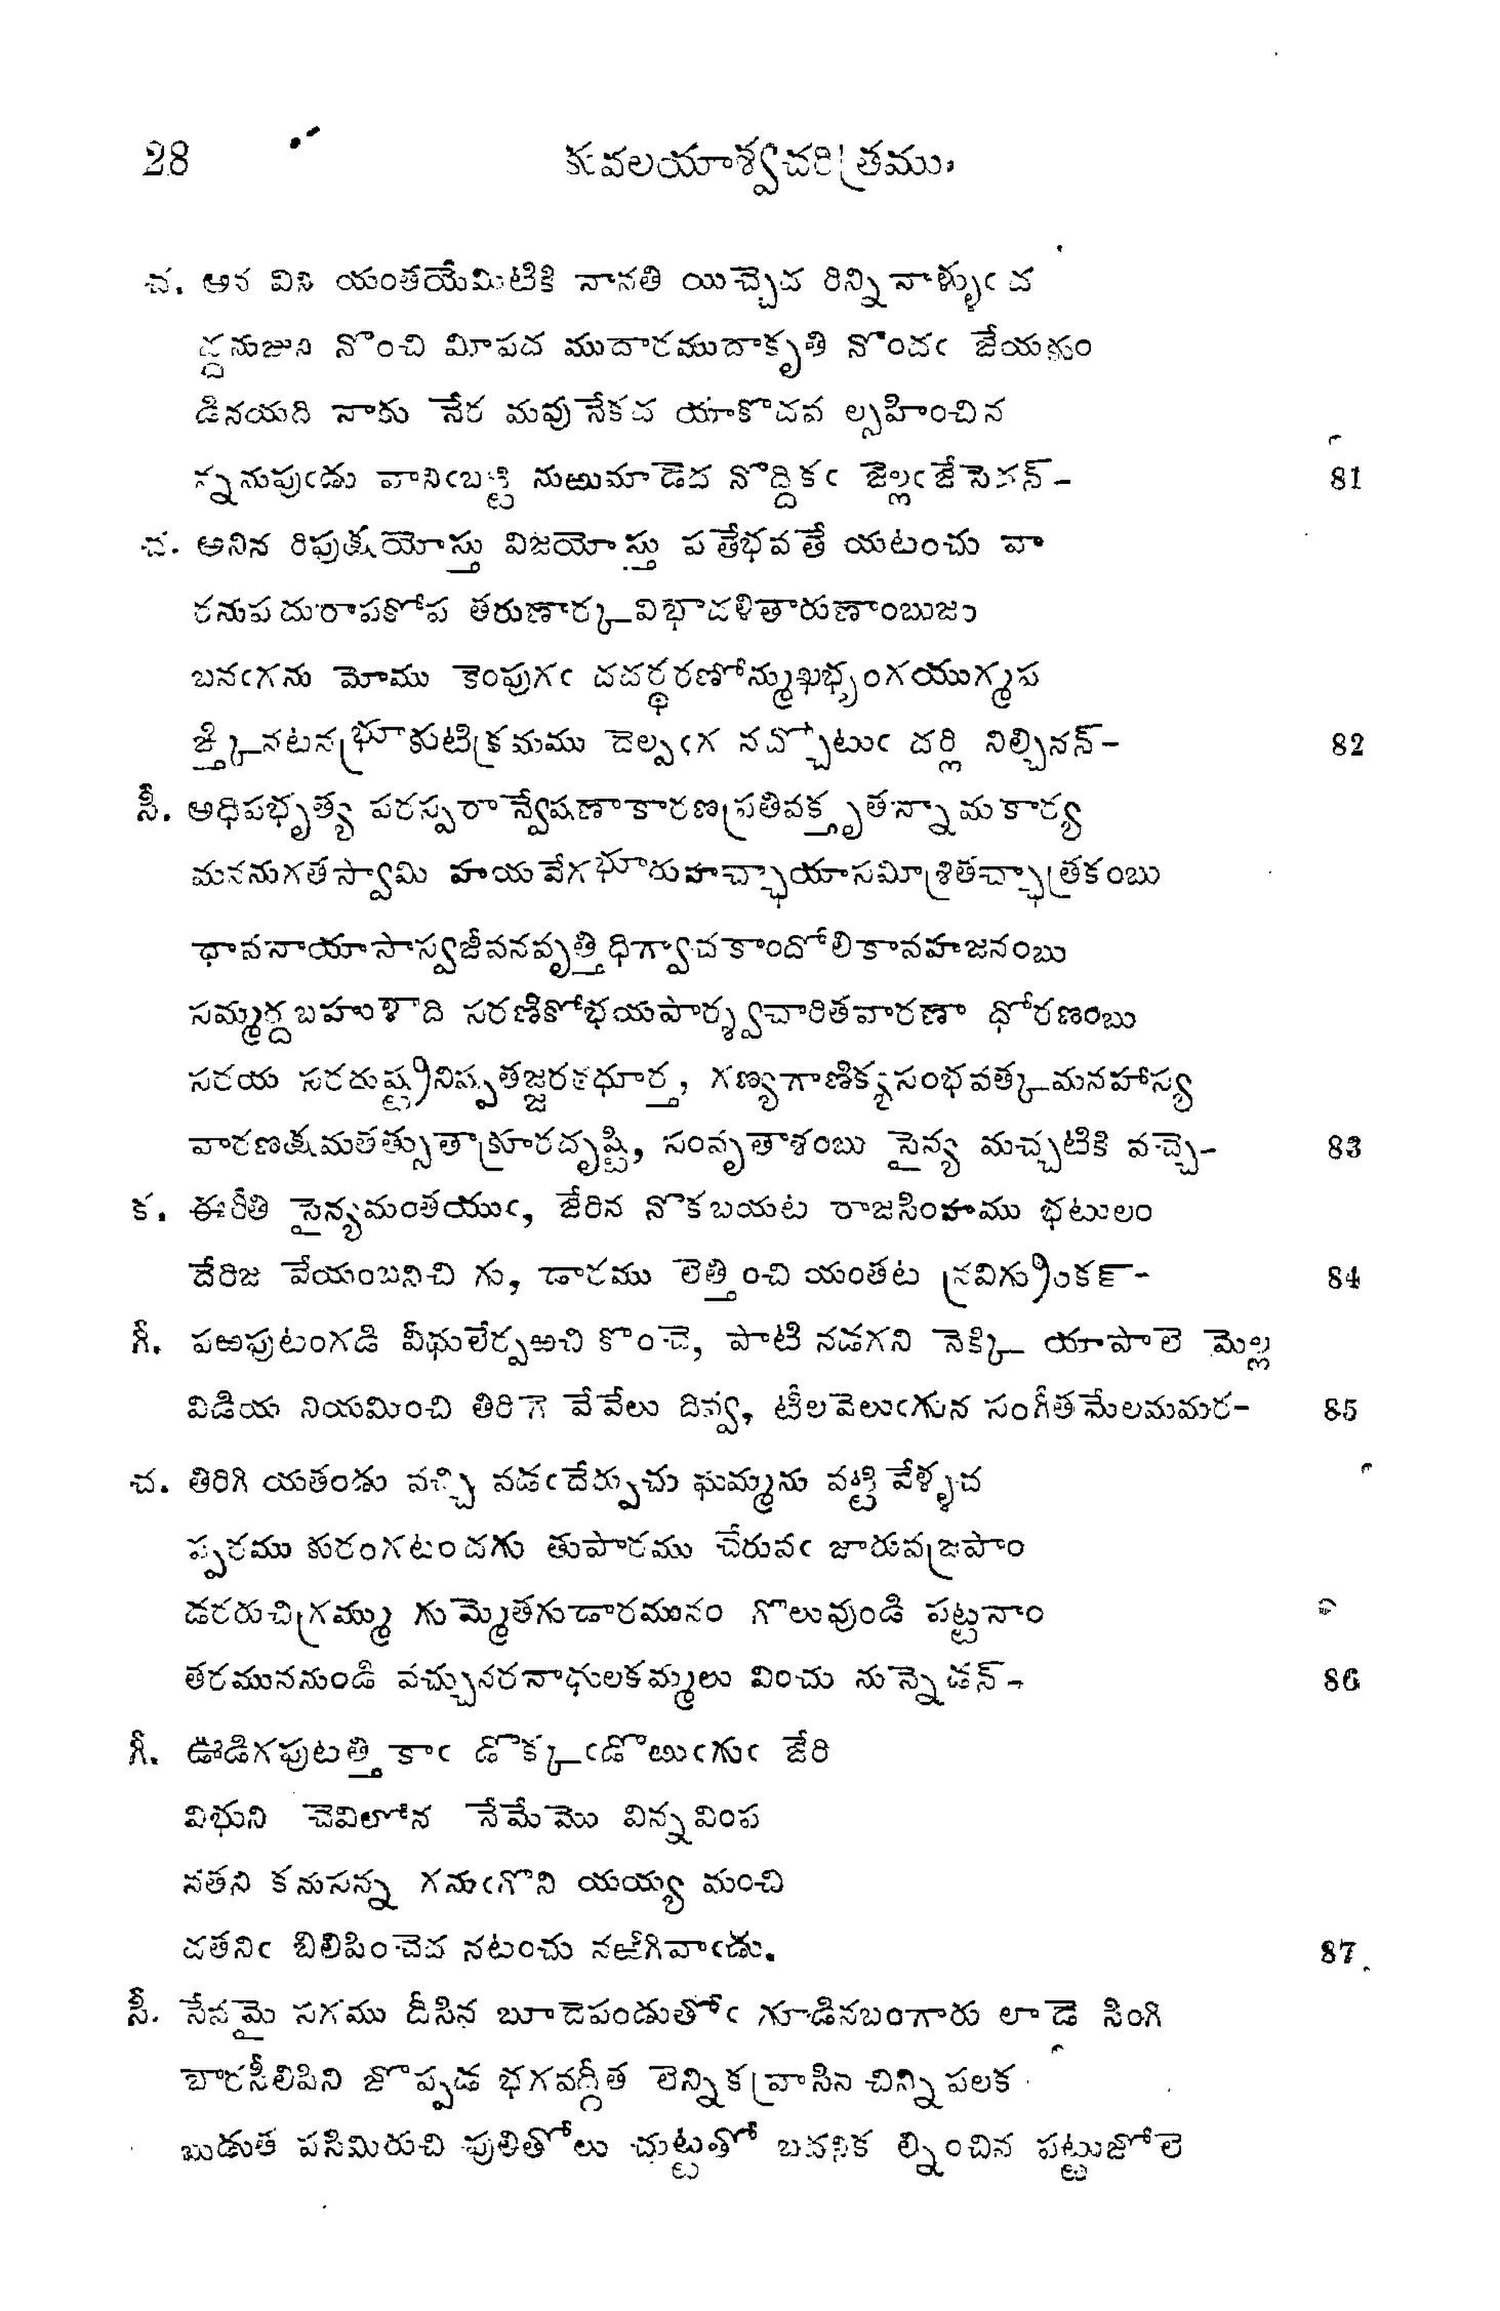చ. అన విని యంతయేమిటికి నానతి యిచ్చెద రిన్నినాళ్ళుఁ ద
ద్దనుజుని నొంచి మీపద ముదారముదాకృతి నొందఁ జేయకుం
డిన యది నాకు నేర మవునేకచ యాకొదవ ల్సహించిన
న్ననుపుఁడు వానిఁ బట్టి నుఱుమాడెద నొద్దికఁ జెల్లఁ జేసెదన్.
చ. అనిన రిపుక్షయోస్తు విజయోస్తు పతేభవతే యటంచు వా
రనుప దురాపకోపతరుణార్కవిభాదళితారుణాంబుజం
బనఁగను మోము కెంపుగఁ దదర్థరణోన్ముఖభృంగయుగ్మప
ఙ్క్తినటన భ్రూకుటిక్రమము డెల్పఁగ నచ్చోటుఁ దర్లి నిల్చినన్.
సీ. అధిపభృత్యపరస్పరాన్వేషణాకారణప్రతివక్తృతన్నామకార్య
మననుగతస్వామి హయవేగభూరుహచ్చాయాసమాశ్రితచ్ఛాత్రకంబు
ధాననాయాసాస్వజీవనవృత్తిధిగ్వాచకాందోలికావహజనంబు
సమ్మర్దబహుళాదిసరణికోభయపార్శ్వచారితవారణాధోరణంబు
సరయ సరదుష్ప్రనిష్పతజ్జరఠధూర్త, గణ్యగాణిక్యసంభవత్కమనహాస్య
వారణక్షమతత్సుతాక్రూరదృష్టి, సంవృతాశంబు సైన్య మచ్చటికి వచ్చె.
క. ఈరీతి సైన్యమంతయుఁ, జేరిన నొకబయట రాజసింహము భటులం
దేరిజ వేయంబనిచి గు, డారము లెత్తించి యంతట న్రవి గ్రుంకన్.
గీ. పఱపుటంగడి వీథు లేర్పఱచి కొంచె, పాటి నడగని నెక్కి యాపాలె మెల్ల
విడియ నియమించి తిరిగె వేవేలు దివ్వ, టీలవెలుఁగున సంగీతమేల మమర.
చ. తిరిగి యతండు వచ్చి నడఁదేర్పుచు ఘమ్మను వట్టివేళ్ళచ
ప్పరము కురంగటందగు తుపారము చేరువఁ జారువజ్రపాం
డరరుచిగ్రమ్ము గుమ్మెతగుడారమునం గొలువుండి పట్టనాం
తరముననుండి వచ్చునరనాథులకమ్మలు వించు నున్నెడన్.
గీ. ఊడిగపుటత్తికాఁ డొక్కఁ డొఱుఁగుఁ జేరి, విభుని చెవిలోన నేమేమొ విన్నవింప
నతని కనుసన్న గనుఁగొని యయ్య మంచి, దతనిఁ బిలిపించెద నటంచు నఱిగివాఁడు.
సీ. సేవమై సగము దీసిన బూదెపండుతోఁ గూడినబంగారు లాడె సింగి
బారసీలిపిని జొప్పడ భగవద్గీత లెన్నికవ్రాసిన చిన్నిపలక
బుడుత పసిమిరుచి పులితోలు చుట్టతో బవళిక ల్నించిన పట్టుజోలె